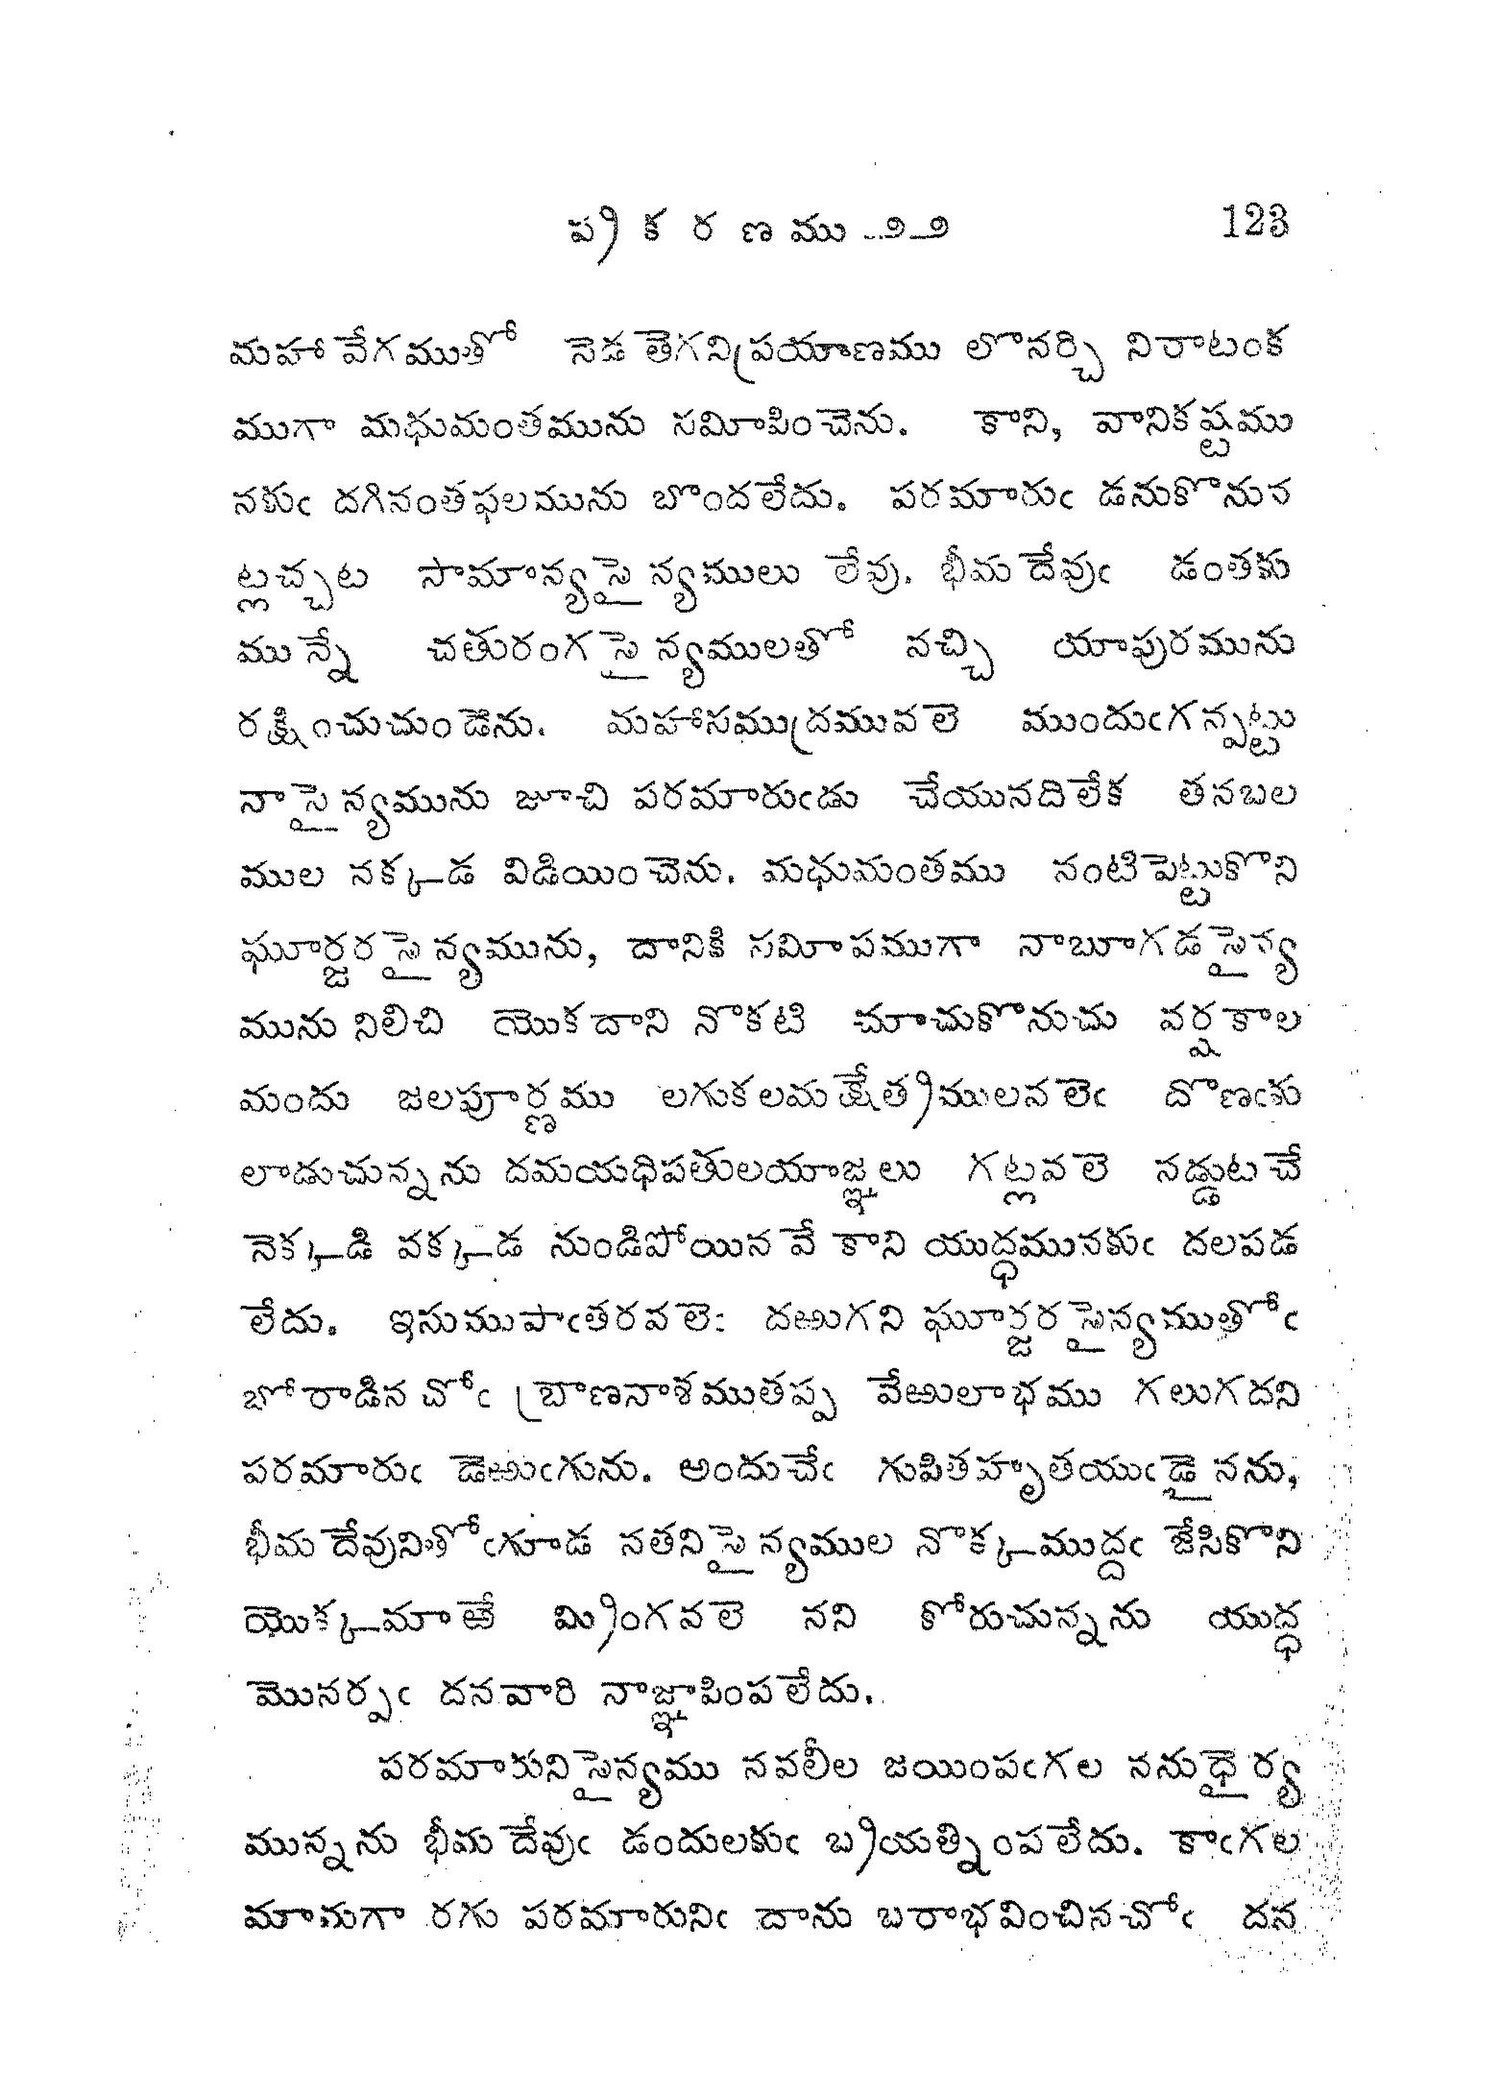మహా వేగముతో నెడ తెగని ప్రయాణము లొనర్చి నిరాటంక ముగా మధుమంతమును సమీపించెను. కాని, వానికష్టము నకుఁ దగినంత ఫలమును బొంద లేదు. పరమారుఁ డనుకొను న టచ్చట సామాన్య పై న్యములు లేవు. భీమ దేవుఁ డంతకు మున్నే చతురంగ సై న్యములతో వచ్చి యాపురమును రక్షించుచుండెను. మహాసముద్రమువలే ముందుఁగన్పట్టు నాసై న్యమును జూచి పరమారుఁడు చేయునది లేక తనబల ముల నక్కడ విడియిం చెను, మధుమంతము నంటి పెట్టుకొని మూర్జర సైన్యమును, దానికి సమీపముగా నాబూగడ సైన్య మును నిలిచి యొక దాని నొకటి చూచుకొనుచు వర్షకాల మందు జలపూర్ణము లగు కలమ క్షేత్రములన లెఁ దొణఁకు లాడుచున్నను దమయధిపతులయాజ్ఞలు గట్లన లె నడ్డుట చే నెక్కడి వక్కడ నుండిపోయిన వే కాని యుద్ధమునకు దలపడ లేదు. ఇసుము పాతరవ లె: దుగని మూర్జర సైన్యముతో బోరాడిన చోఁ బ్రాణనాశముతప్పవేౠ లాభము గలుగదని పరమారుఁ డెఱుఁగును. అందుచేఁ గుపితహృతయుఁ డైనను, భీమ దేవునితోఁగూడ నతని సై న్యముల నొక్క ముద్దఁ జేసికొని యొక్క మా ఱె మింగవలె నని కోరుచున్నను యుద్ధ మొనర్పం దన వారి నాజ్ఞాపింప లేదు, పరమారుని సైన్యము నవలీల జయింపఁగల నను ధైర్యమున్నను భీమ దేవుఁ డందులకుఁ బ్రయత్నింప లేదు. కాఁగల మామగా రగు పరమారునిఁ దాను బరాభవించినచోఁ దన